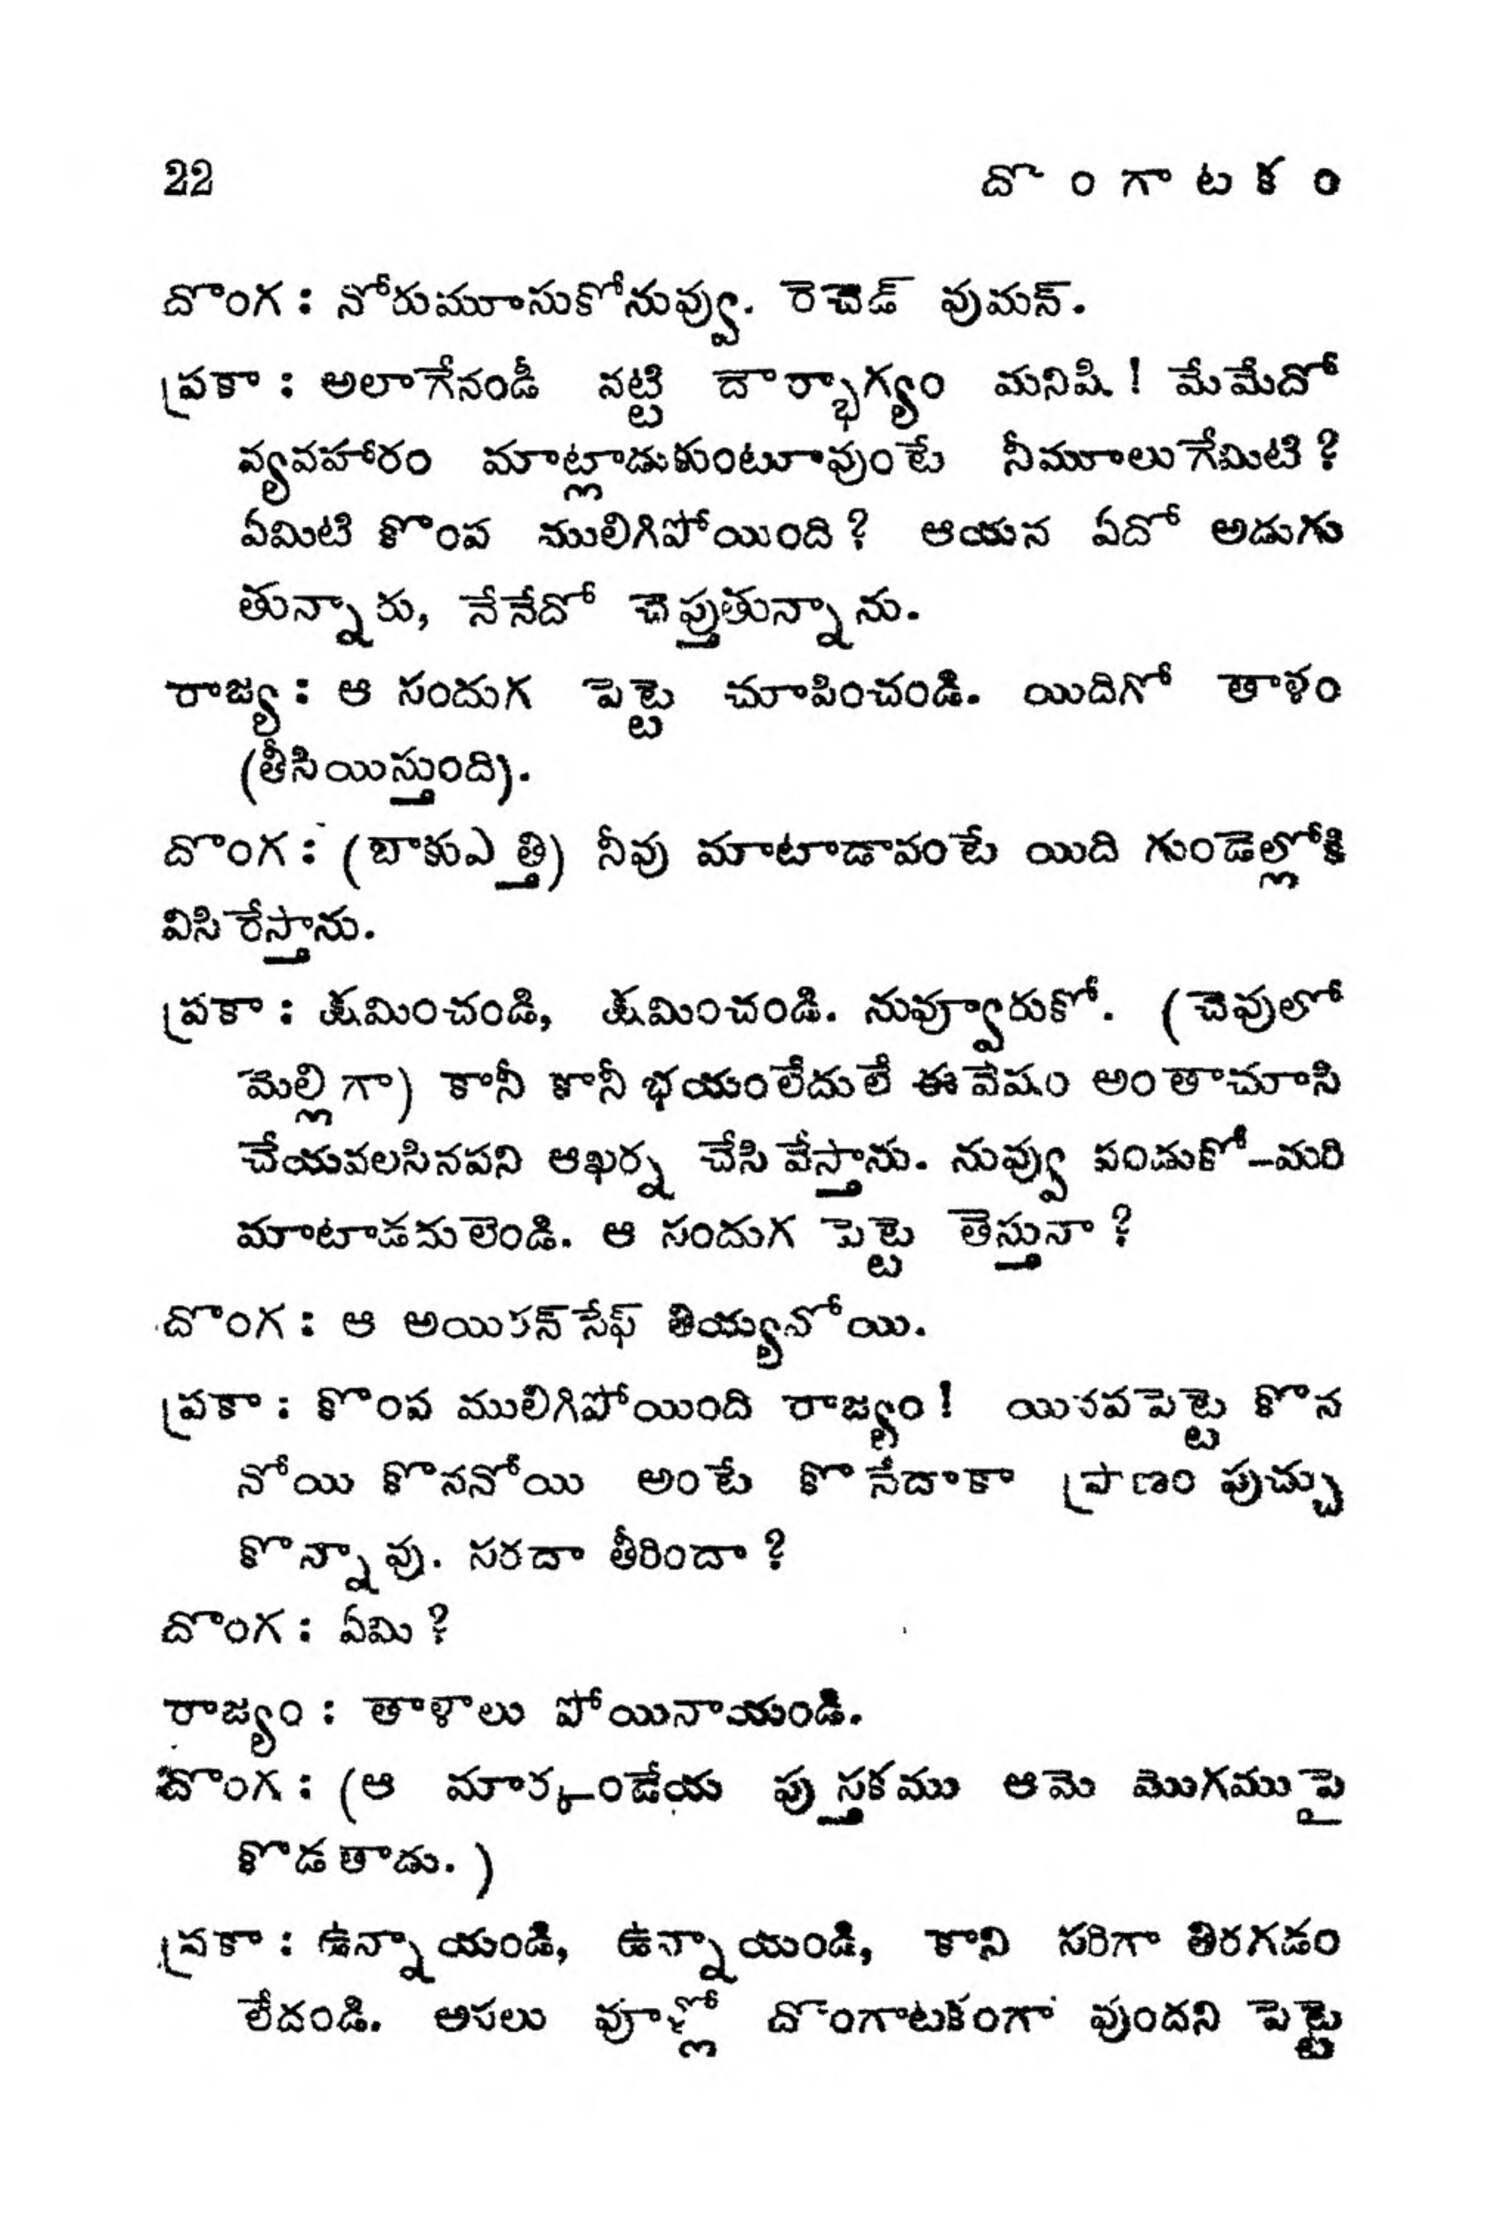దొంగ : నోరుమూసుకోనువ్వు. రెచెడ్ వుమన్.

ప్రకా : అలాగేనండీ వట్టి దౌర్భాగ్యం మనిషి! మేమేదో వ్యవహారం మాట్లాడుకుంటూవుంటే నీమూలుగేమిటి ? ఏమిటి కొంప ములిగిపోయింది? ఆయన ఏదో అడుగుతున్నారు, నేనేదో చెప్తుతున్నాను.

రాజ్య : ఆ సందుగ పెట్టె చూపించండి. యిదిగో తాళం (తీసియిస్తుంది).

దొంగ : (బాకుఎత్తి) నీవు మాట్లాడావంటే యిది గుండెల్లోకి విసిరేస్తాను.

ప్రకా : క్షమించండి, క్షమించండి. నువ్వూరుకో. (చెవులో మెల్లిగా) కానీ కానీ భయంలేదులే ఈవేషం అంతాచూసి
చేయవలసినపని ఆఖర్న చేసి వేస్తాను. నువ్వు పండుకో-మరి మాటాడదులెండి. ఆ సందుగ పెట్టె తెస్తునా?

దొంగ : ఆ అయిరన్‌సేఫ్ తియ్యనోయి

ప్రకా : కొంప ములిగిపోయింది రాజ్యం! యినపపెట్టె కొననోయి కొననోయి అంటే కొనేదాకా ప్రాణం పుచ్చుకొన్నావు. సరదా తీరిందా?

దొంగ : ఏమి?

రాజ్యం : తాళాలు పోయినాయండి.

దొంగ : (ఆ మార్కండేయ పుస్తకము ఆమె మొగముపై కొడతాడు.)

ప్రకా : ఉన్నాయండి, ఉన్నాయండి, కాని సరిగా తిరగడం లేదండి. అసలు వూళ్లో దొంగాటకంగా వుందని పెట్టె